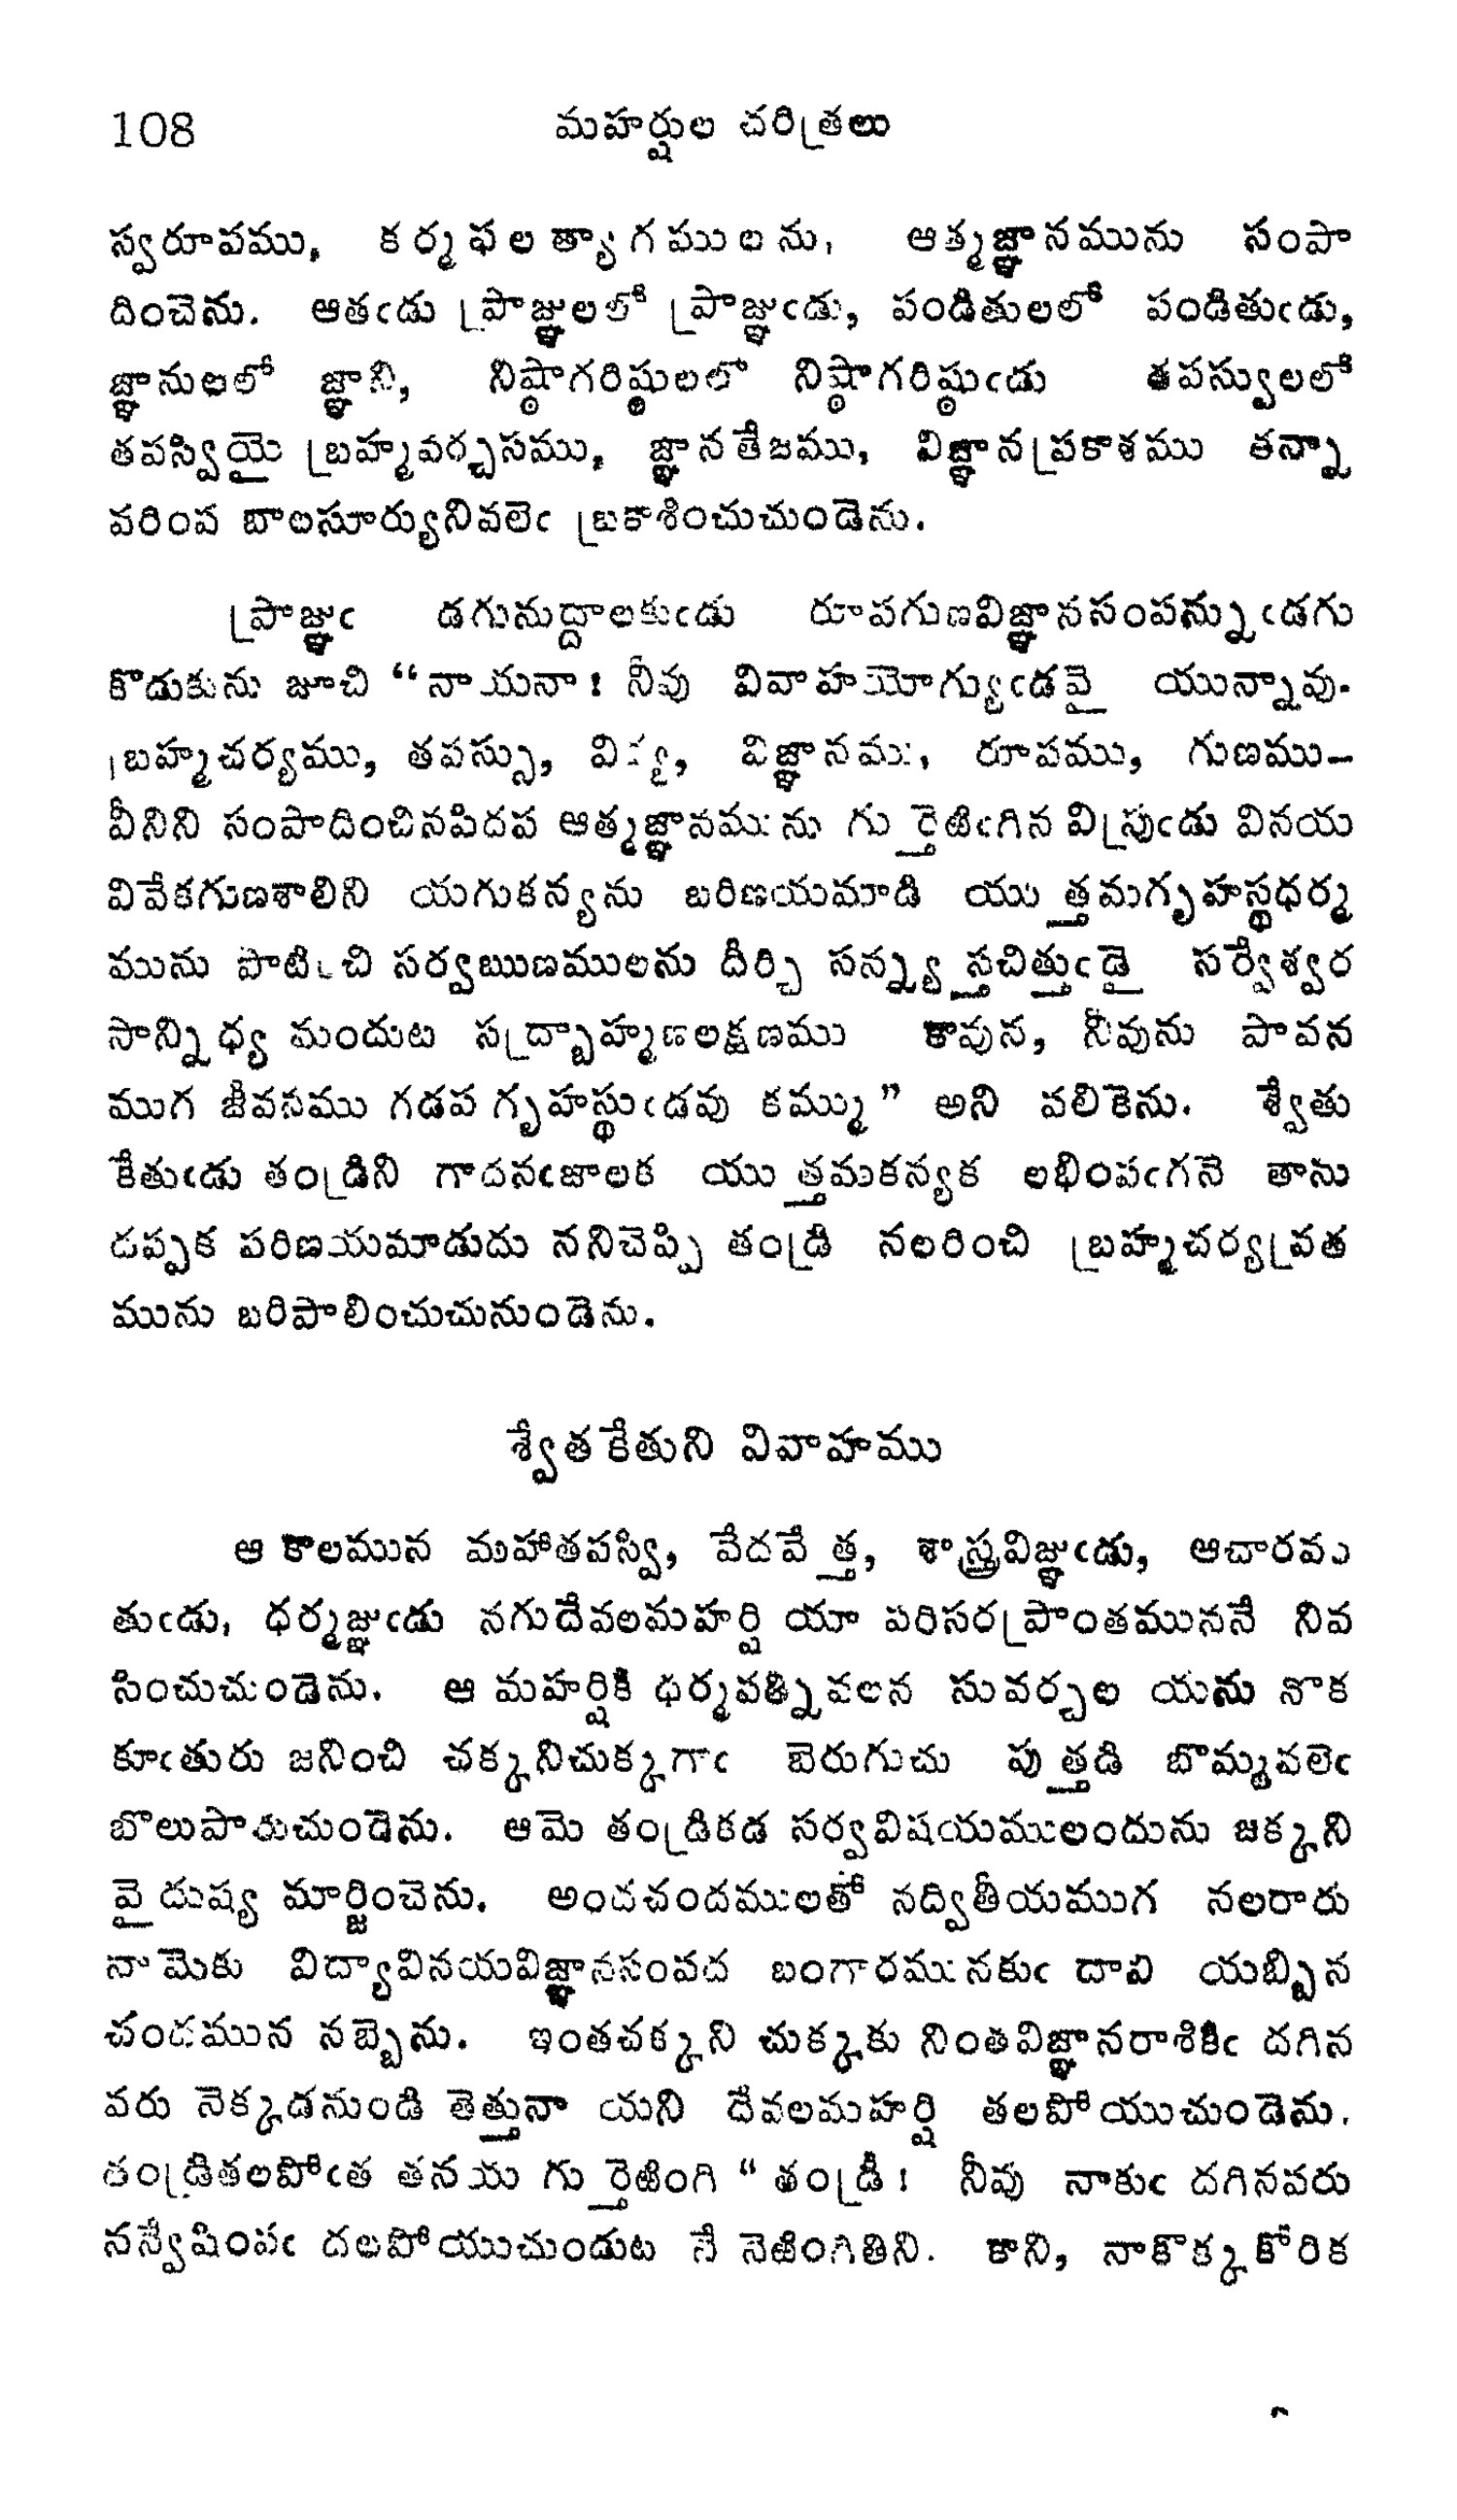స్వరూపము, కర్మఫలత్యాగములను, ఆత్మజ్ఞానమును సంపాదించెను. ఆతఁడు ప్రాజ్ఞులలో ప్రాజ్ఞుఁడు, పండితులలో పండితుఁడు, జ్ఞానులలో జ్ఞాని, నిష్ఠాగరిష్ఠులలో నిష్ఠాగరిష్ఠుఁడు తపస్వులలో తపస్వియై బ్రహ్మవర్చసము, జ్ఞానతేజము, విజ్ఞానప్రకాశము తన్నావరింప బాలసూర్యునివలెఁ బ్రకాశించుచుండెను.

ప్రాజ్ఞుఁ డగునుద్దాలకుఁడు రూపగుణవిజ్ఞానసంపన్నుఁడగు కొడుకును జూచి “నాయనా! నీవు వివాహయోగ్యుఁడవై యున్నావు. బ్రహ్మచర్యము, తపస్సు, విద్య, విజ్ఞానము, రూపము, గుణము - వీనిని సంపాదించినపిదప ఆత్మజ్ఞానమును గుర్తెఱిఁగిన విప్రుఁడు వినయ వివేకగుణశాలిని యగుకన్యను బరిణయమాడి యుత్తమగృహస్థధర్మమును పాటించి సర్వఋణములను దీర్చి సన్న్యస్తచిత్తుఁడై సర్వేశ్వర సాన్నిధ్య మందుట సద్ర్బాహ్మణలక్షణము కావున, నీవును పావనముగ జీవసము గడప గృహస్థుఁడవు కమ్ము" అని పలికెను. శ్వేతుకేతుడు తండ్రిని గాదనఁజాలక యుత్తమకన్యక లభింపఁగనె తాను దప్పక పరిణయమాడుదు ననిచెప్పి తండ్రి నలరించి బ్రహ్మచర్యవ్రతమును బరిపాలించుచునుండెను.

శ్వేతకేతుని వివాహము 

ఆ కాలమున మహాతపస్వి, వేదవేత్త, శాస్త్రవిజ్ఞుఁడు, ఆచారవంతుఁడు, ధర్మజ్ఞుఁడు నగుదేవలమహర్షి యా పరిసరప్రాంతముననే నివసించుచుండెను. ఆ మహర్షికి ధర్మపత్నివలన సువర్చల యను నొక కూఁతురు జనించి చక్కనిచుక్కగాఁ బెరుగుచు పుత్తడి బొమ్మవలెఁ బొలుపారుచుండెను. ఆమె తండ్రికడ సర్వవిషయములందును జక్కని వై దుష్య మార్జించెను. అందచందములతో నద్వితీయముగ నలరారు నామెకు విద్యావినయవిజ్ఞానసంవద బంగారమునకుఁ దావి యబ్బిన చందమున నబ్బెను. ఇంతచక్కని చుక్కకు నింతవిజ్ఞానరాశికిఁ దగిన వరు నెక్కడనుండి తెత్తునా యని దేవల మహర్షి తలపోయుచుండెను . తండ్రితలపోఁత తనయ గుర్తెఱింగి " తండ్రీ ! నీవు నాకుఁ దగినవరు నన్వేషింపఁ దలపోయుచుండుట నే నెఱింగితిని. కాని, నాకొక్కకోరిక